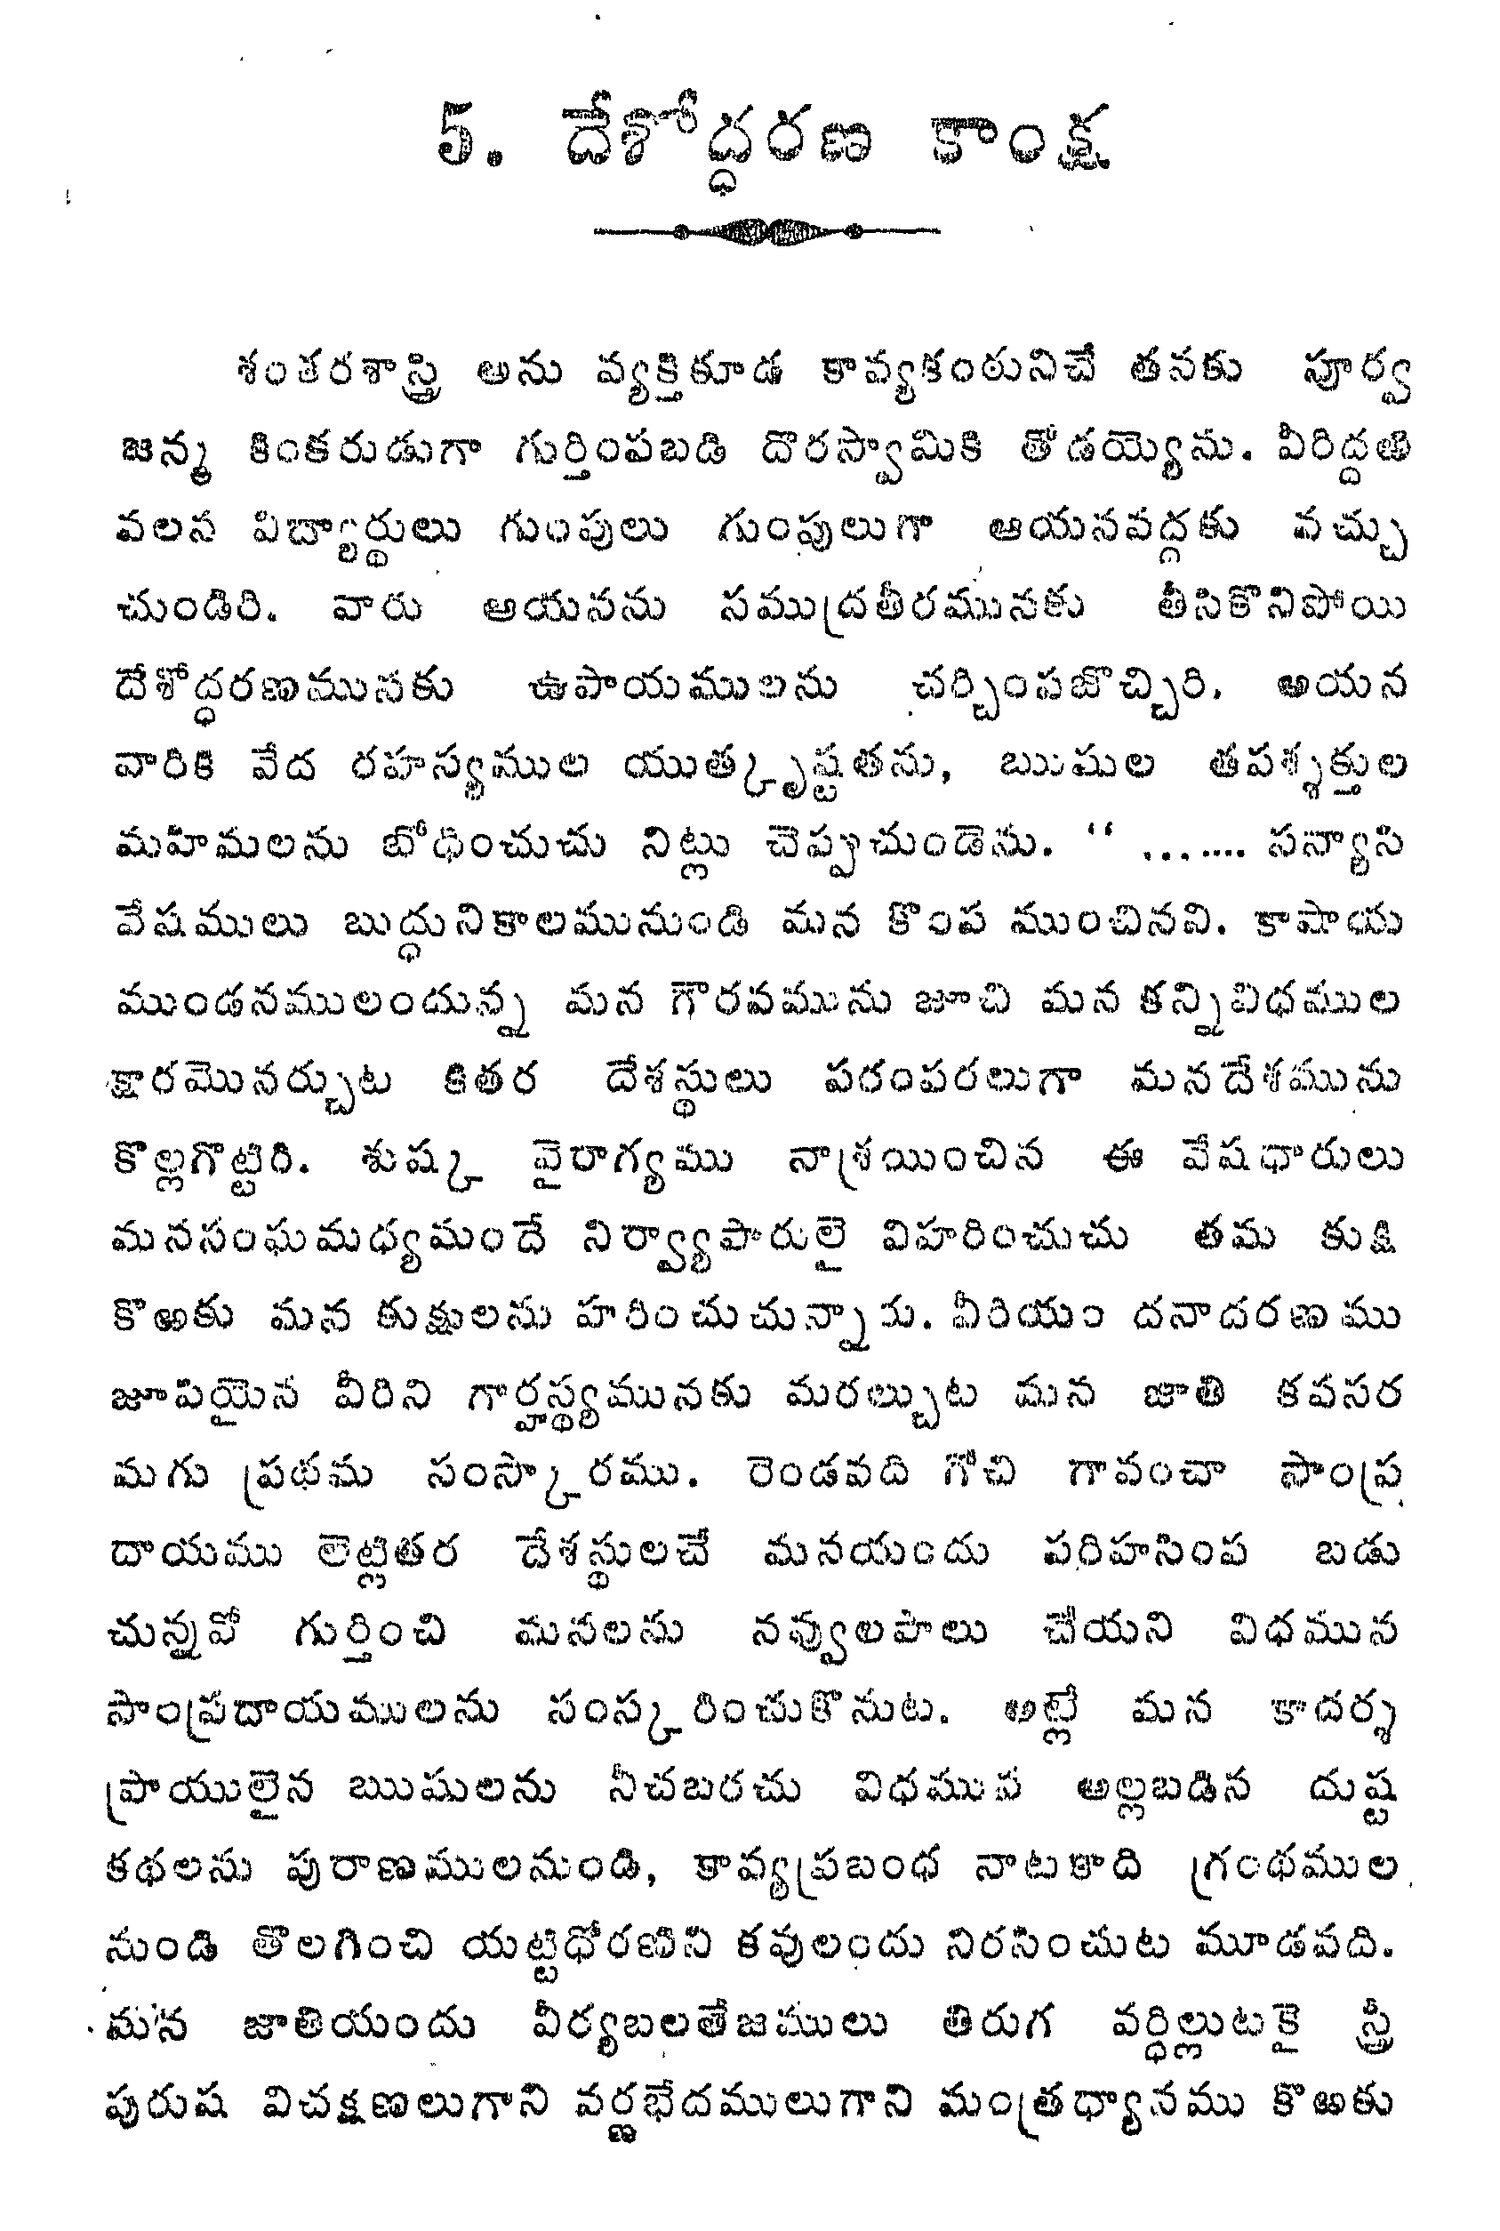శంకరశాస్త్రి అను వ్యక్తికూడ కావ్యకంఠునిచే తనకు పూర్వ జన్మ కింకరుడుగా గుర్తింపబడి దొరస్వామికి తోడయ్యెను. వీరిద్దఱి వలన విద్యార్థులు గుంపులు గుంపులుగా ఆయనవద్దకు వచ్చుచుండిరి. వారు ఆయనను సముద్రతీరమునకు తీసికొనిపోయి దేశోద్ధరణమునకు ఉపాయములను చర్చింపజొచ్చిరి. ఆయన వారికి వేద రహస్యముల యుత్కృష్టతను, ఋషుల తపశ్శక్తుల మహిమలను బోధించుచు నిట్లు చెప్పుచుండెను. "........సన్యాసి వేషములు బుద్దునికాలమునుండి మన కొంప ముంచినవి. కాషాయ ముండనములందున్న మన గౌరవమును జూచి మన కన్నివిధముల క్షారమొనర్చుట కితర దేశస్థులు పరంపరలుగా మనదేశమును కొల్లగొట్టిరి. శుష్క వైరాగ్యము నాశ్రయించిన ఈ వేషధారులు మనసంఘమధ్యమందే నిర్వ్యాపారులై విహరించుచు తమ కుక్షి కొఱకు మన కుక్షులను హరించుచున్నారు. వీరియం దనాదరణము జూపియైన వీరిని గార్హస్థ్యమునకు మరల్చుట మన జాతి కవసరమగు ప్రథమ సంస్కారము. రెండవది గోచి గావంచా సాంప్రదాయము లెట్లితర దేశస్థులచే మనయందు పరిహసింప బడుచున్నవో గుర్తించి మనలను నవ్వులపాలు చేయని విధమున సాంప్రదాయములను సంస్కరించుకొనుట. అట్లే మన కాదర్శ ప్రాయులైన ఋషులను నీచబరచు విధమున అల్లబడిన దుష్ట కథలను పురాణములనుండి, కావ్యప్రబంధ నాటకాది గ్రంథముల నుండి తొలగించి యట్టిధోరణిని కవులందు నిరసించుట మూడవది. మన జాతియందు వీర్యబలతేజములు తిరుగ వర్ధిల్లుటకై స్త్రీ పురుష విచక్షణలుగాని వర్ణభేదములుగాని మంత్రధ్యానము కొఱకు